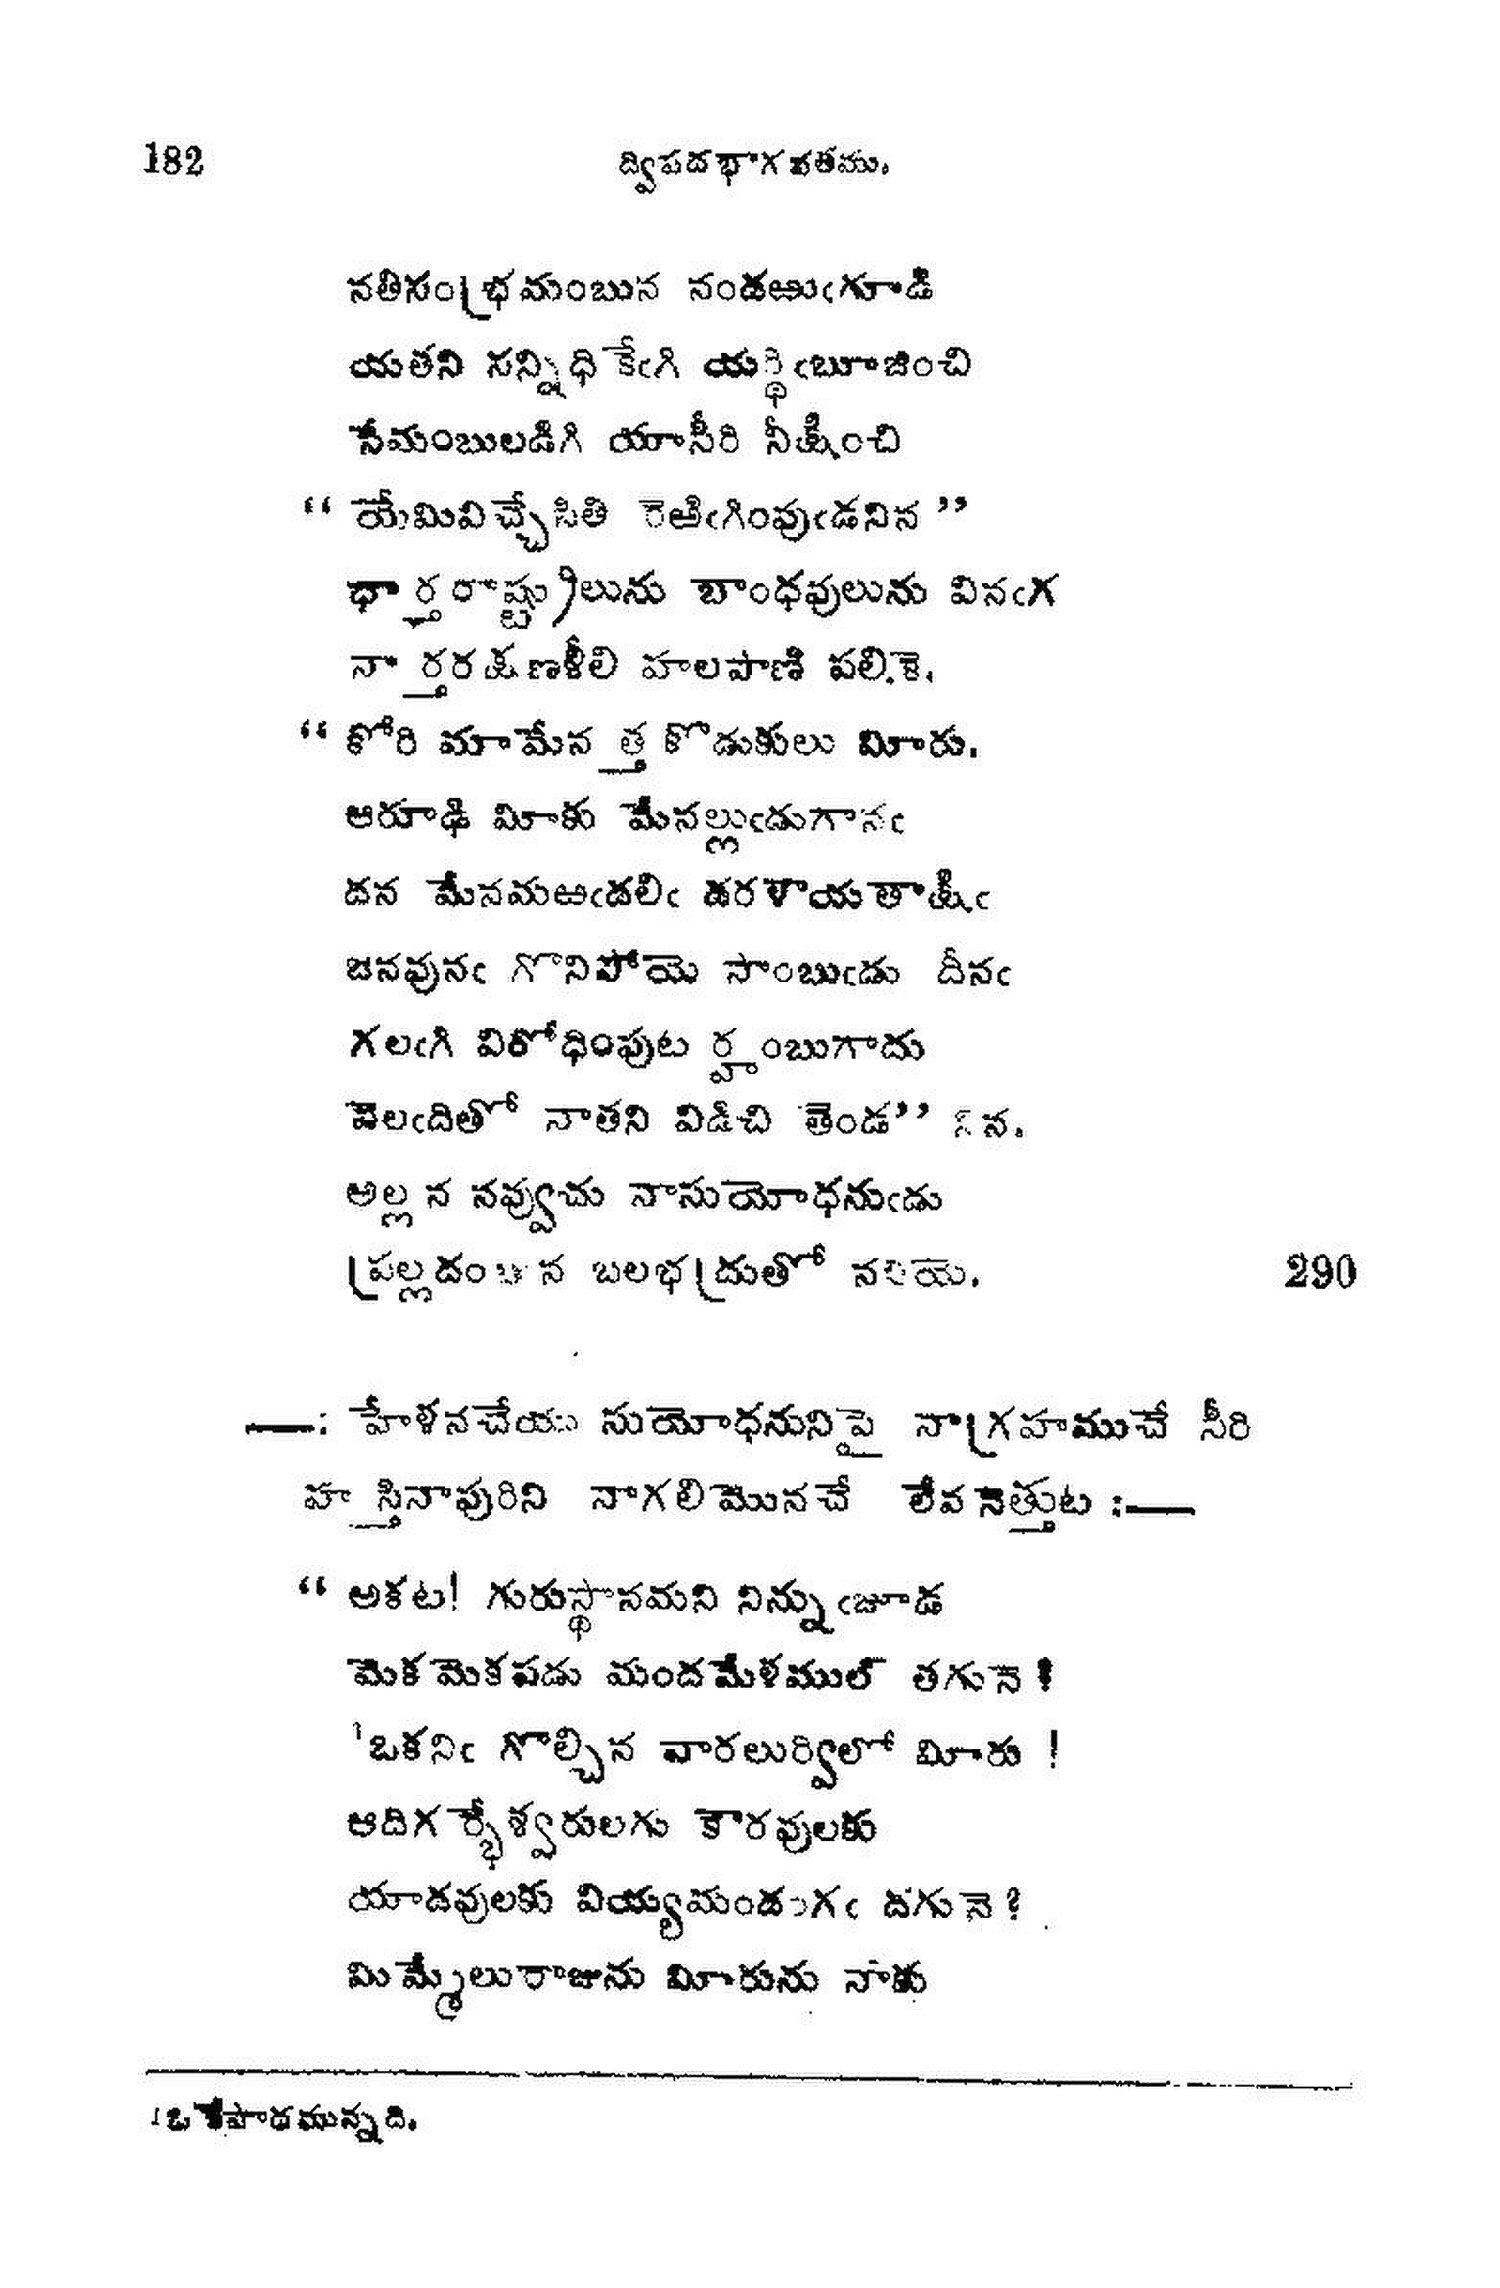నతిసంభ్రమంబున నందఱుఁగూడి
యతని సన్నిధికేఁగి యర్ధిఁబూజించి
సేమంబులడిగి యాసీరి నీక్షించి
“యేమివిచ్చేసితి రెఱిఁగింపుఁ”డనిన
ధార్తరాష్ట్రులును బాంధవులును వినఁగ
నార్తరక్షణశీలి హలపాణి పలికె. 
“కోరి మామేనత్త కొడుకులు మీరు. 
ఆరూఢి మీకు మేనల్లుఁడుగానఁ
దన మేనమఱఁదలి దరళాయతాక్షిఁ
జనవునఁ గొనిపోయె సాంబుఁడు దీనఁ
గలఁగి విరోధింపు టర్హంబుగాదు
వెలఁదితో నాతని విడిచి తెం”డనిన. 
అల్లన నవ్వుచు నాసుయోధనుఁడు 
ప్రల్లదంబున బలభద్రుతో ననియె.

 “అకట! గురుస్థానమని నిన్నుఁజూడ
మెకమెకపడు మందమేళముల్ తగునె? 
ఒకనిఁ గొల్చిన వార లుర్విలో మీరు! 
ఆదిగర్భేశ్వరు లగు కౌరవులకు
యాదవులకు వియ్యమందంగఁ దగునె? 
మిమ్మేలురాజును మీరును నాకు